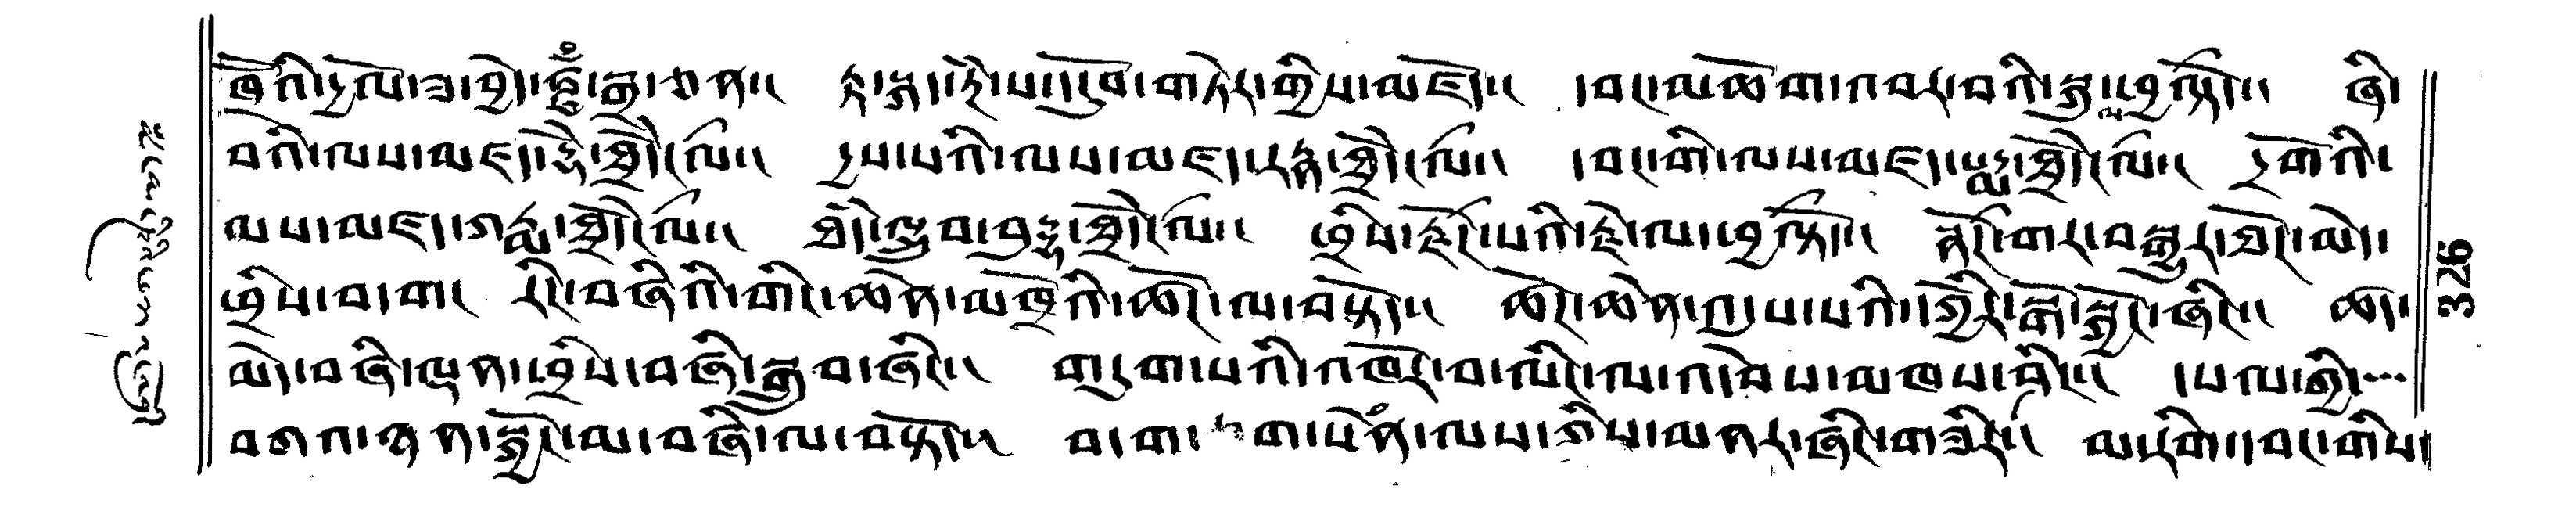ཁྲོ་བོའི་རྒྱལ་པོ་ཟ་བྱེད་ཧཱུྃ་སྒྲ་ཅན། །རྟ་སྐད་རྔམ་པ་དངོས་གྲུབ་གཏེར་གྱིས་མཛོད། །དབང་མཆོག་འབར་བའི་སྐུ་ལ་ཕྱག་འཚལ་བསྟོད། །ཞི་
བའི་ལས་མཛད་རྡོ་རྗེ་ཐོད་ཕྲེང་རྩལ། །རྒྱས་པའི་ལས་མཛད་རདྣ་ཐོད་ཕྲེང་རྩལ། །དབང་གི་ལས་མཛད་པདྨ་ཐོད་ཕྲེང་རྩལ། །དྲག་པོའི་
ལས་མཛད་ཀརྨ་ཐོད་ཕྲེང་རྩལ།ཐམས་ཅད་ལྷུན་གྲུབ་བུདྷ་ཐོད་ཕྲེང་རྩལ། །ཕྲིན་ལས་རྫོགས་པའི་རྗེ་ལ་ཕྱག་འཚལ་བསྟོད། །སྣ་ཚོགས་གར་བསྒྱུར་ཐོགས་མེད་
ཕྲིན་ལས་བདག །རིགས་བཞིའི་གིང་ཆེན་མཁའ་འགྲོའི་ཚོགས་ལ་བསྟོད། །ཚོགས་ཆེན་འདུས་པའི་དཀྱིལ་འཁོར་སྒོ་སྐྱོང་ཞིང་། །ཚད་
མེད་བཞི་ལྡན་ཕྲིན་ལས་བཞི་སྒྲུབ་ཞིང་། གདུག་པའི་འཁོར་བ་ལིང་ལ་འདེབས་མཁས་ཤིང་། །དཔལ་གྱི་བཀའ་ཉན་སྐྱོང་མ་བཞི་ལ་བསྟོད། །
བདག་ཉན་སྐྱོང་མ་བཞི་ལ་བསྟོང་། བདག་ཅག་སེམས་ཅན་ལས་ཀྱིས་མནར་ཞིང་གཟིར། མ་རིག་དབང་གིས་